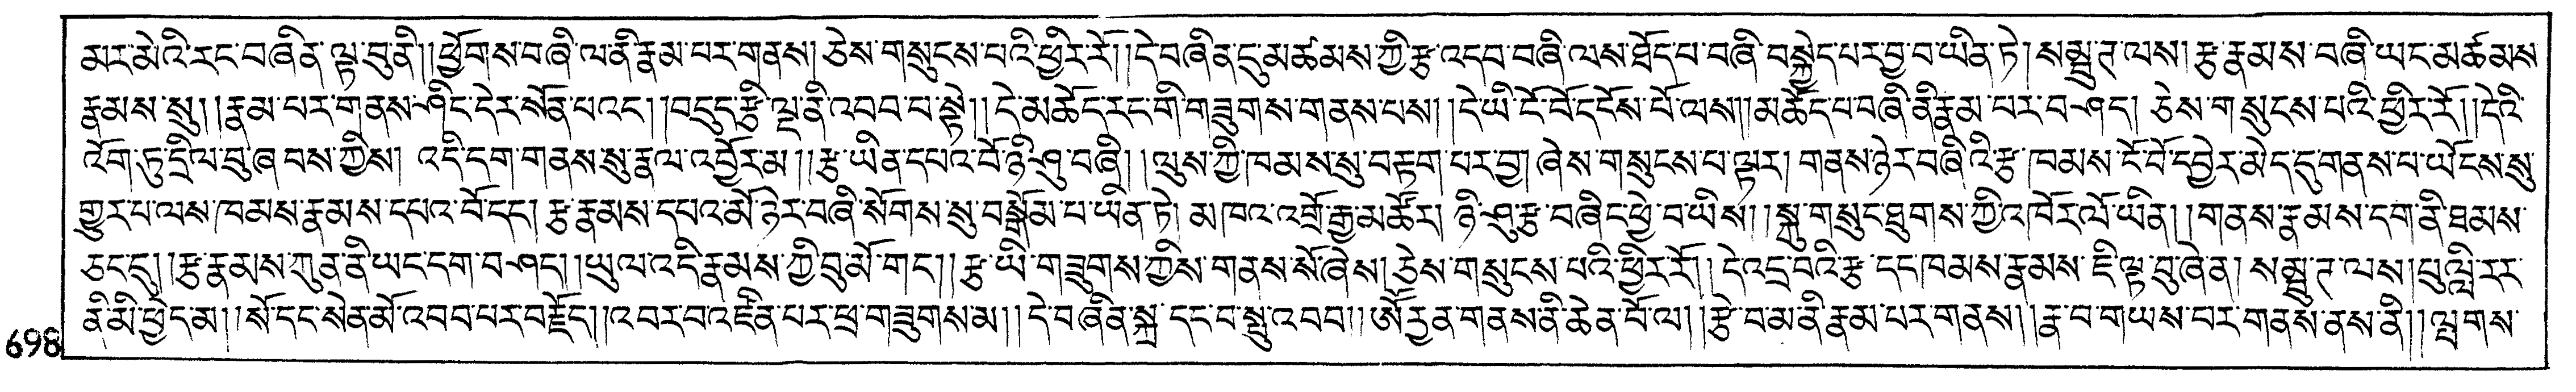མར་མེའི་རང་བཞིན་ལྟ་བུ་ནི། །ཕྱོགས་བཞི་ལ་ནི་རྣམ་པར་གནས། ཅེས་གསུངས་པའི་ཕྱིར་རོ། །དེ་བཞིན་དུ་མཚམས་ཀྱི་རྩ་འདབ་བཞི་ལས་ཐོད་པ་བཞི་བསྐྱེད་པར་བྱ་བ་ཡིན་ཏེ། སམྦུཊ་ལས། རྩ་རྣམས་བཞི་ཡང་མཚམས་
རྣམས་སུ། །རྣམ་པར་གནས་ཤིང་དེར་སོན་པའང་། །བདུད་རྩི་ལྔ་ནི་འབབ་པ་སྟེ། །དེ་མཆོད་རང་གི་གཟུགས་གནས་པས། །དེ་ཡི་ངོ་བོ་དངོས་པོ་ལས། །མཆོད་པ་བཞི་ནི་རྣམ་པར་བཤད། ཅེས་གསུངས་པའི་ཕྱིར་རོ། །དེའི་
འོག་ཏུ་དྲིལ་བུ་ཞབས་ཀྱིས། འདི་དག་གནས་སུ་རྣལ་འབྱོར་མ། །རྩ་ཡིན་དཔའ་བོ་ཉི་ཤུ་བཞི། །ལུས་ཀྱི་ཁམས་སུ་བརྟག་པར་བྱ། ཞེས་གསུངས་པ་ལྟར། གནས་ཉེར་བཞིའི་རྩ་ཁམས་ངོ་བོ་དབྱེར་མེད་དུ་གནས་པ་ཡོངས་སུ་
གྱུར་པ་ལས་ཁམས་རྣམས་དཔའ་བོ་དང་། རྩ་རྣམས་དཔའ་མོ་ཉེར་བཞི་སོགས་སུ་བསྒོམ་པ་ཡིན་ཏེ། མཁའ་འགྲོ་རྒྱ་མཚོར། ཉི་ཤུ་རྩ་བཞིང་ཕྱེ་བ་ཡིས། །སྐུ་གསུང་ཐུགས་ཀྱི་འཁོར་ལོ་ཡིན། །གནས་རྣམས་དག་ནི་ཐམས་
ཅད་དུ། །རྩ་རྣམས་ཀུན་ནི་ཡང་དག་བཤད། །ཡུལ་འདི་རྣམས་ཀྱི་བུ་མོ་གང་། །རྩ་ཡི་གཟུགས་ཀྱིས་གནས་སོ་ཞེས། ཅེས་གསུངས་པའི་ཕྱིར་རོ། །དེ་འདྲ་བའི་རྩ་དང་ཁམས་རྣམས་ཇི་ལྟ་བུ་ཞེ་ན། སམྦུ་ཊ་ལས། པུལླི་རར་
ནི་མི་ཕྱེད་མ། །སོ་དང་སེན་མོ་འབབ་པར་བརྗོད། །འབར་བ་འཛིན་པར་ཕྲ་གཟུགས་མ། །དེ་བཞིན་སྐྲ་དང་བ་སྤུ་འབབ། །ཨཽརྱན་གནས་ནི་ཆེན་པོ་ལ། །རྩེ་བ་མ་ནི་རྣམ་པར་གནས། །རྣ་བ་གཡས་པར་གནས་ནས་ནི། །ལྤགས་